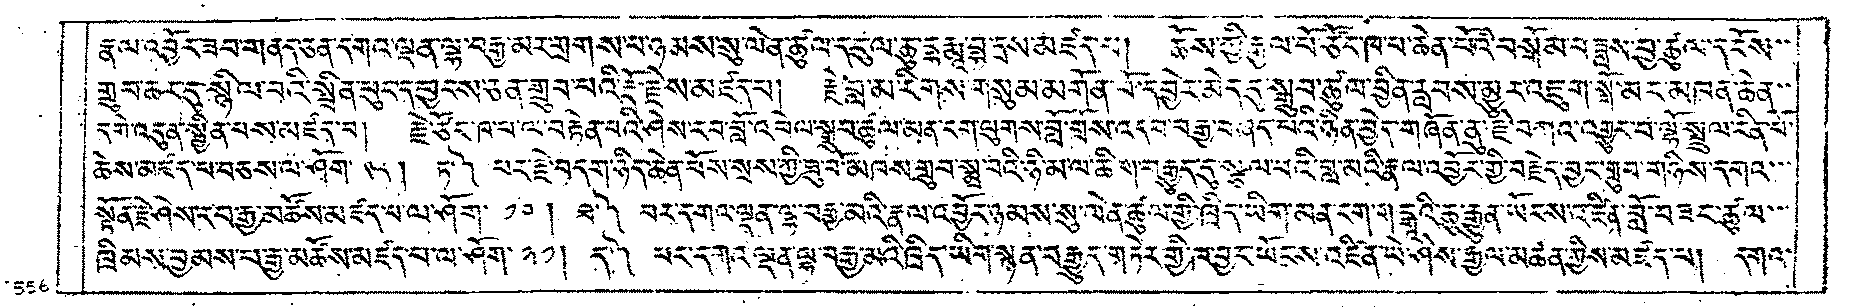རྣལ་འབྱོར་ཟབ་གནད་ཅན་དགའ་ལྡན་ལྷ་བརྒྱ་མར་གྲགས་པ་ཉམས་སུ་ལེན་ཚུལ་དངུལ་ཆུ་དྷརྨཱ་བྷ་དྲས་མཛད་པ། ཆོས་ཀྱི་རྒྱལ་པོ་ཙོང་ཁ་པ་ཆེན་པོའི་བསྒོམ་བཟླས་བྱ་ཚུལ་དངོས་
གྲུབ་ཆར་དུ་སྙིལ་བའི་སྤྲིན་ཕུང་དབྱངས་ཅན་གྲུབ་པའི་རྡོ་རྗེས་མཛད་པ། རྗེ་བླ་མ་རིགས་གསུམ་མགོན་པོ་དབྱེར་མེད་དུ་སྒྲུབ་ཚུལ་བྱིན་རླབས་མྱུར་འཇུག་སྒོ་མང་མཁན་ཆེན་
དགེ་འདུན་སྦྱིན་པས་མཛད་པ། རྗེ་ཙོང་ཁ་པ་ལ་བརྟེན་པའི་ཤེས་རབ་བློ་འཕེལ་སྒྲུབ་ཚུལ་མན་ངག་ལུགས་བློ་གྲོས་འདབ་བརྒྱ་བཞད་པའི་ཉིན་བྱེད་གཞོན་ནུ་རྗེ་བཀའ་འགྱུར་བ་ལྷོ་སྤྲུལ་རིན་པོ་
ཆེས་མཛད་པ་བཅས་ལ་ཤོག ༤༨། ཏ྄་པར་རྗེ་བདག་ཉིད་ཆེན་པོས་སྲས་ཀྱི་ཐུ་བོ་མཁས་གྲུབ་སྨྲ་བའི་ཉི་མ་ལ་ཆིག་བརྒྱུད་དུ་སྩལ་བའི་བླ་མའི་རྣལ་འབྱོར་གྱི་བརྗེད་བྱང་གྲུབ་གཉིས་དགའ་
སྟོན་རྗེ་ཤེས་རབ་རྒྱ་མཚོས་མཛད་པ་ལ་ཤོག ༡༠། ཐ྄་པར་དགའ་ལྡན་ལྷ་བརྒྱ་མའི་རྣལ་འབྱོར་ཉམས་སུ་ལེན་ཚུལ་གྱི་ཁྲིད་ཡིག་མན་ངག་གངྒཱའི་ཆུ་རྒྱུན་ཡོངས་འཛིན་བློ་བཟང་ཚུལ་
ཁྲིམས་བྱམས་པ་རྒྱ་མཚོས་མཛད་པ་ལ་ཤོག ༢༡། ད྄་པར་དགའ་ལྡན་ལྷ་བརྒྱ་མའི་ཁྲིད་ཡིག་སྙན་བརྒྱུད་གཏེར་གྱི་ཁ་བྱང་ཡོངས་འཛིན་ཡེ་ཤེས་རྒྱལ་མཚན་གྱིས་མཛད་པ། དགའ་